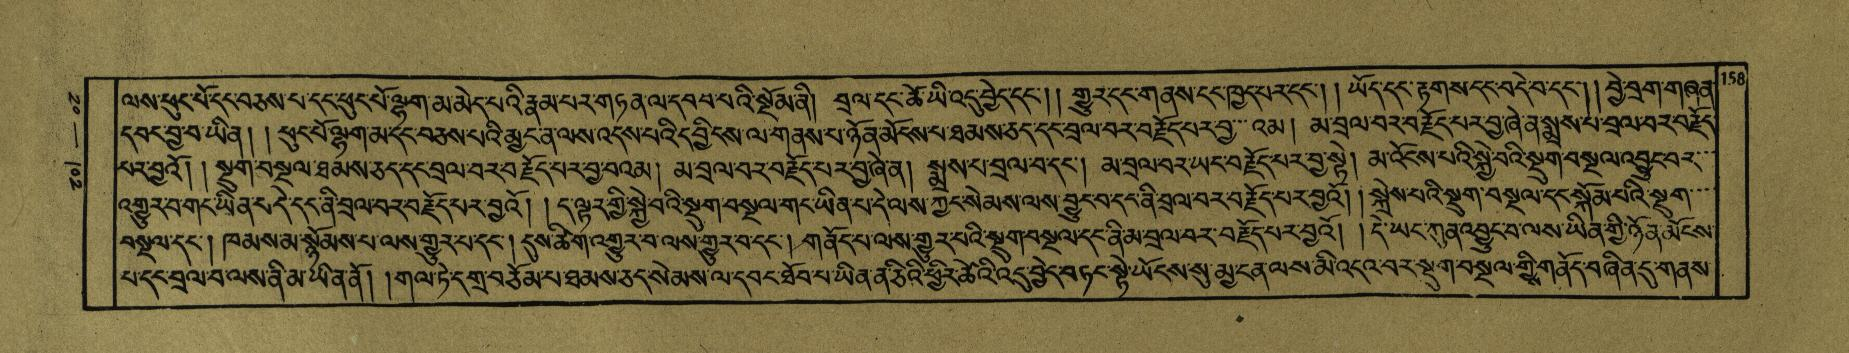ལས་ཕུང་པོ་དང་བཅས་པ་དང་ཕུང་པོ་ལྷག་མ་མེད་པའི་རྣམ་པར་གཏན་ལ་དབབ་པའི་སྡོམ་ནི། བྲལ་དང་ཚེ་ཡི་འདུ་བྱེད་དང་། །གྱུར་དང་གནས་དང་ཁྱད་པར་དང་། །ཡོད་དང་རྟགས་དང་བདེ་བ་དང་། །བྱེ་བྲག་གཞན་
དབང་བྱ་བ་ཡིན། །ཕུང་པོ་ལྷག་མ་དང་བཅས་པའི་མྱང་ན་ལས་འདས་པའི་དབྱིངས་ལ་གནས་པ་ཉོན་མོངས་པ་ཐམས་ཅད་དང་བྲལ་བར་བརྗོད་པར་བྱ་འམ། མ་བྲལ་བར་བརྗོད་པར་བྱ་ཞེ་ན་སྨྲས་པ་བྲལ་བར་བརྗོད་
པར་བྱའོ། །སྡུག་བསྔལ་ཐམས་ཅད་དང་བྲལ་བར་བརྗོད་པར་བྱ་བའམ། མ་བྲལ་བར་བརྗོད་པར་བྱ་ཞེ་ན། སྨྲས་པ་བྲལ་བ་དང་། མ་བྲལ་བར་ཡང་བརྗོད་པར་བྱ་སྟེ། མ་འོངས་པའི་སྐྱེ་བའི་སྡུག་བསྔལ་འབྱུང་བར་
འགྱུར་བ་གང་ཡིན་པ་དེ་དང་ནི་བྲལ་བར་བརྗོད་པར་བྱའོ། །ད་ལྟར་གྱི་སྐྱེ་བའི་སྡུག་བསྔལ་གང་ཡིན་པ་དེ་ལས་ཀྱང་སེམས་ལས་བྱུང་བ་དང་ནི་བྲལ་བར་བརྗོད་པར་བྱའོ། །སྐྲེས་པའི་སྡུག་བསྔལ་དང་སྐོམ་པའི་སྡུག་
བསྔལ་དང་། ཁམས་མ་སྙོམས་པ་ལས་གྱུར་པ་དང་། དུས་ཚིག་འགྱུར་བ་ལས་གྱུར་བ་དང་། གནོད་པ་ལས་གྱུར་པའི་སྡུག་བསྔལ་དང་ནི་མ་བྲལ་བར་བརྗོད་པར་བྱའོ། །དེ་ཡང་ཀུན་འབྱུང་བ་ལས་ཡིན་གྱི་ཉོན་མོངས་
པ་དང་བྲལ་བ་ལས་ནི་མ་ཡིན་ནོ། །གལ་ཏེ་དགྲ་བཅོམ་པ་ཐམས་ཅད་སེམས་ལ་དབང་ཐོབ་པ་ཡིན་ན་ཅིའི་ཕྱིར་ཚེའི་འདུ་བྱེད་བཏང་སྟེ་ཡོངས་སུ་མྱ་ངན་ལས་མི་འདའ་བར་སྡུག་བསྔལ་གྱིས་གནོད་བཞིན་དུ་གནས་